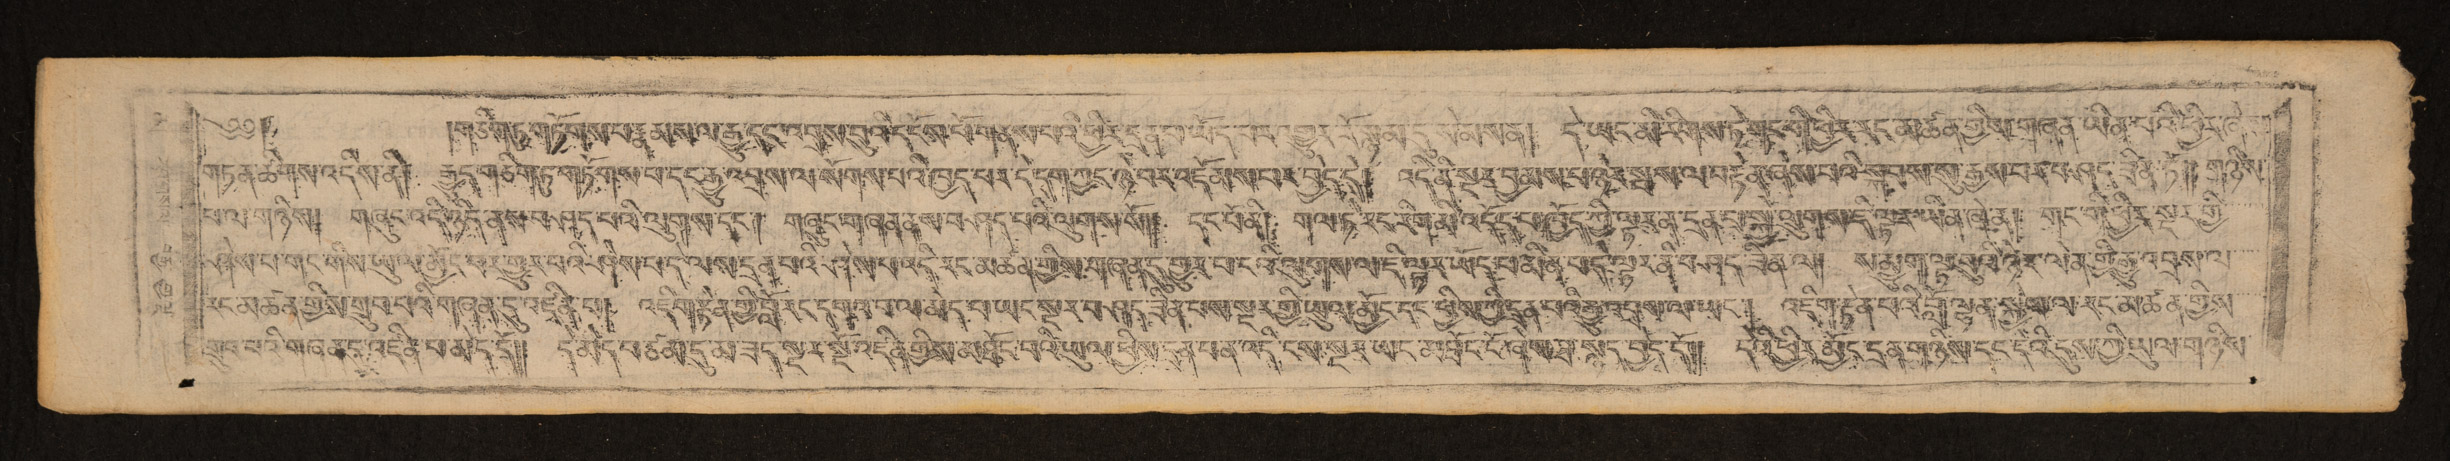༄༅། །གཅིག་ཏུ་གཏོགས་པ་རྣམས་ལ་རྒྱུ་དང་འབྲས་བུའི་དངོས་པོ་གནས་པའི་ཕྱིར་དྲན་པ་ཡོད་པར་འགྱུར་རོ་སྙམ་དུ་སེམས་ན། དེ་ཡང་མི་རིགས་ཏེ་གང་གི་ཕྱིར་རང་མཚན་གྱིས་གཞན་ཡིན་པའི་ཕྱིར་ཞེས་
གཏན་ཚིགས་འདིས་ནི། རྒྱུད་གཅིག་ཏུ་གཏོགས་པ་དང་རྒྱུ་འབྲས་ལ་སོགས་པའི་ཁྱད་པར་དེ་དག་ཀྱང་ཉེ་བར་འཇོམས་པར་བྱེད་དེ། འདི་ནི་སྔར་བྱམས་པ་ཉེར་སྦས་ལ་བརྟེན་ཞེས་པའི་སྐབས་སུ་རྒྱས་པར་བཤད་ཟིན་ཏོ།། གཉིས་
པ་ལ་གཉིས། གཞུང་འདི་ཉིད་ནས་བཤད་པའི་ལུགས་དང་། གཞུང་གཞན་ནས་བཤད་པའི་ལུགས་སོ།། དང་པོ་ནི། གལ་ཏེ་རང་རིག་མི་འདོད་པ་ཁྱོད་ཀྱི་ལྟར་ན་དྲན་པ་སྐྱེ་ལུགས་ཇི་ལྟར་ཡིན་ཞེ་ན། གང་གི་ཕྱིར་སྔར་གྱི་
ཤེས་པ་གང་གིས་ཡུལ་མྱོང་བར་གྱུར་པའི་ཤེས་པ་དེ་ལས་དྲན་པའི་ཤེས་པ་འདི་རང་མཚན་གྱིས་གཞན་དུ་གྱུར་པ་ངའི་ལུགས་ལ་ཇི་ལྟར་ཡོད་པ་མིན་པ་དེ་ལྟར་ནི་བཤད་ཟིན་ལ། ས་མྱུག་ལྟ་བུའི་ཉེར་ལེན་གྱི་རྒྱུ་འབྲས་ལ་
རང་མཚན་གྱིས་གྲུབ་པའི་གཞན་དུ་འཛིན་པ། འཇིག་རྟེན་གྱི་བློ་རང་དགའ་བ་ལ་མེད་པ་ཡང་སྔར་བཤད་ཟིན་པས་སྔར་གྱི་ཡུལ་མྱོང་དང་ཕྱིས་ཀྱི་དྲན་པའི་རྒྱུ་འབྲས་ལ་ཡང་། འཇིག་རྟེན་པའི་བློ་ལྷན་སྐྱེས་ལ་རང་མཚན་གྱིས་
གྲུབ་པའི་གཞན་དུ་འཛིན་པ་མེད་དོ།། དེ་མེད་པ་ཙམ་དུ་མ་ཟད་སྔར་སྔོ་འཛིན་གྱིས་མཐོང་བའི་ཡུལ་ཕྱིས་དྲན་པ་ན་འདི་ངས་སྔར་ཡང་མཐོང་ངོ་ཞེས་ཐ་སྙད་བྱེད་དོ།། དེའི་ཕྱིར་མྱོང་དྲན་གཉིས་དང་དེའི་དུས་ཀྱི་ཡུལ་གཉིས་